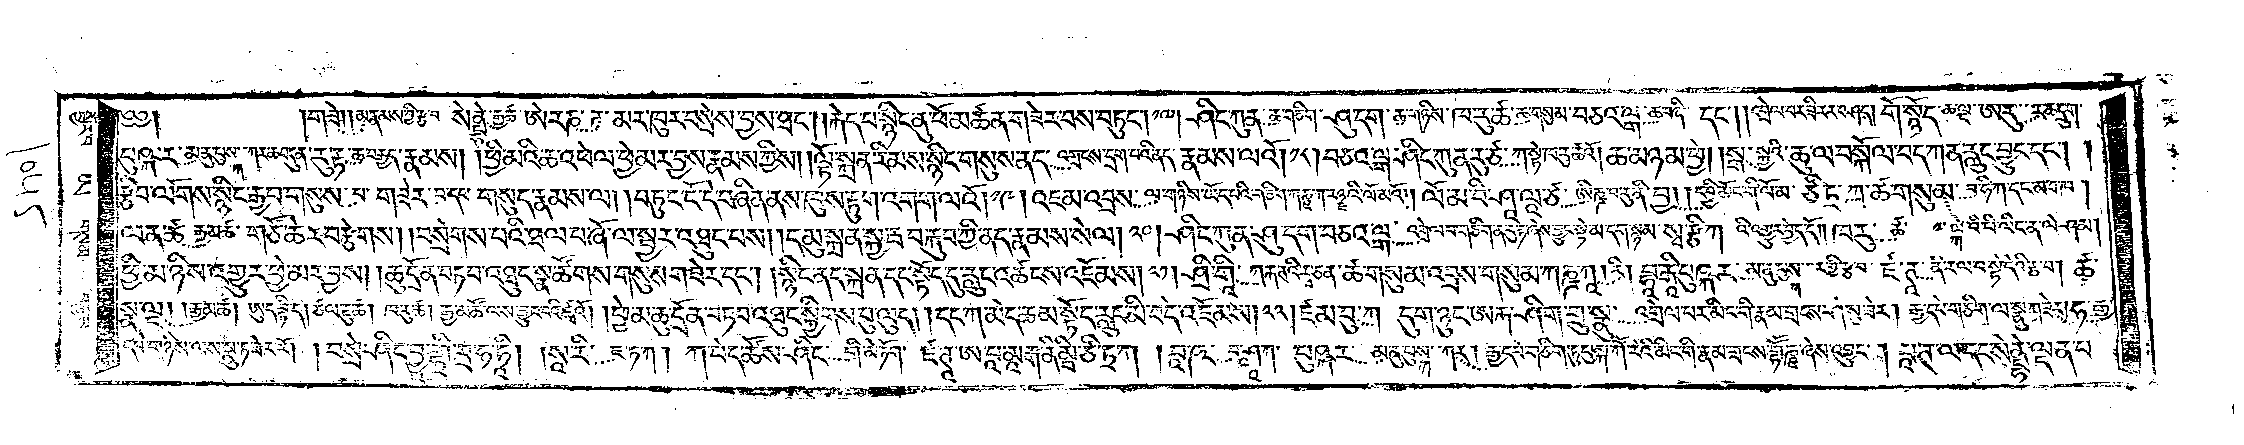༄༅། །གཟེ། །མ་རྣམས་ཀྱི་རྩ་བ་སེནྡྷེ་རྒྱ་ཚ་ཨེ་རཎ་ཌ་མར་ཁུར་བསྲེས་བྱས་ཐང་། །རྐེད་པ་སྙིང་ནུ་ཕོ་མཚན་གཟེར་བས་བཏུང་། ༡༧་།ཤིང་ཀུན་ཆ་གཅིག་ཤུ་དག་ཆ་གཉིས་ཁ་རུ་ཚ་ཆ་གསུམ་བཅའ་ལྒ་ཆ་བཞི་དང་། །འགྲེལ་བར་ཟི་རར་བཤད། གོ་སྙོད་ཆ་ལྔ་ཨ་རུ་ར་ཆ་དྲུག་
པུཥྐ་ར་མ་ནུ་པུས་ཀ་ཀར་ཆ་བདུན་རུ་རྟ་ཆ་བརྒྱད་རྣམས། །ཕྱི་མའི་ཆ་འཕེལ་ཕྱེ་མར་བྱས་རྣམས་ཀྱིས། །ལྟོ་སྐྲན་རིམས་སྙིང་གསུས་ནད་འགྲངས་དྲག་བའི་ནད་རྣམས་ལའོ། ༡༨་།བཅའ་ལྒ་ཤིང་ཀུན་རུ་ཙ་ཀ་སྟེ་ཁ་རུ་ཚའོ། ཆ་མཉམ་ཕྱེ། །སྒ་སྐྱའི་ཆུ་ལ་བསྐོལ་བད་ཀན་རླུང་བྱུང་དང་། །
རྩིབ་ལོགས་སྙིང་རྒྱབ་གསུས་པ་གཟེར་བ་དང་གསུད་རྣམས་ལ། །བཏུང་ངོ་དེ་བཞིན་ནས་ཁུས་རྟུག་འགག་ལའོ། ༡༩་།འཇམ་འབྲས་ལ་གཉིས་ཡོད་པའི་གཅིག་ཀཎཊཿཨ་ཀ་རཉྫའི་ལོ་མའོ། །ལོ་མ་བི་ཤཱ་ལཱ་ཙ་ཨིཎྜ་བ་རུ་ནི་བྱ། །དབྱི་མོང་གི་ལོ་མ་ཙིཏྲ་ཀ་ཚ་གསུམ་བ་ཧི་ཀ་དང་མ་བ་ཁ་།
ལན་ཚ་རྒྱ་མཚ་གཙོ་ཆེར་བརྩེགས། །བསྲེགས་པའི་ཐལ་བ་ཞོ་ལ་སྦྱར་འཐུང་པས། །དམུ་སྐྲན་སྐྱ་རྦབ་རྐུབ་ཀྱི་ནད་རྣམས་སེལ། ༢༠་།ཤིང་ཀུན་ཤུ་དག་བཅའ་ལྒ་འགྲེལ་བ་གཅིག་ན་རུ་རྟ་ཞེས་བྱུང་སྟེ་མ་དག་སྙམ་སྭ་རྩི་ཀའི་འགྱུར་བྱེད་དོ། །ཁ་རུ་ཚ་༧་ལྐ་པི་པི་ལིང་ན་ལེ་ཤམ།
ཕྱི་མ་ཉིས་འགྱུར་ཕྱེ་མར་བྱས། །ཆུ་དྲོན་བཏབ་འཐུང་སྣ་ཚོགས་གསུས་གཟེར་དང་། །སྙིང་ནང་སྐྲན་དང་སྟོད་དུ་རླུང་འཚངས་འཇོམས། ༢༡་།ཤྲི་གཱི་ཀརྐ་ཊའི་རྭ་ཅན་ཚ་གསུམ་འབྲས་གསུམ་ཀཎྜ་ཀཱ། རི། བྷཱ་རྒཱི་པུཥྐར་མ་ནུ་པྱསྒ?་ར་གྱི་རྩ་བ་ཛ་ཊཱ་ནི་རལ་བ་སྟེ་དེའི་རྩ་བ། ཚ་
སྣ་ལྔ། །རྒྱམ་ཚ། ཨུད་བཏི་ད། ཙལ་རྡུ་ཚ། ཁ་རུ་ཚ། རྒྱ་མཚོ་ལས་བྱུང་བའི་ཛྭའོ། །ཕྱེ་མ་ཆུ་དྲོན་བཏབ་འཐུང་སྐྱིགས་པུ་ལུད། །དང་ཀ་མེད་ཆམ་སྟོང་རླུང་མི་བདེ་འཇོམས། ༢༢་།ཛམ་བུ་ཀ་དུག་ཉུང་ཨརྐ་ཤིག་གྲུ་སྣུ་འགྲེལ་པར་མིང་གི་རྣམ་གྲངས་ཤེ་སུ་ཟེར། རྒྱ་དཔེ་གཅིག་ལ་སྣུ་གཟེར། ཧ་རྒྱ་
དཔེ་གཉིས་ལས་སྣུ་ཏ་ཟེར་རོ། །བསྲེ་ཤིང་བྱཱ་གྷྲི་བྲ་ཧ་ཏཱི། །སཱ་རི་ཇ་ཏ་ཀ། ཀ་པེད་ཚོས་ཤིང་གི་མེ་ཏོག་ཛ་ཊཱ་ཨ་པཱ་མཱརྒ་ནིམྦི་ཙི་ཏྲ་ཀ །བཱ་ཥ་བཱ་ཤཱ་ཀ་པུཥྐར་མ་ནུ་པུསྐ་ཀར། རྒྱ་དཔེ་གཅིག་ཏུ་པུསྐ་ཀཽ་རེའི་མིང་གི་རྣམ་གྲངས་གྷཽཎཊཿཨ་ཞེས་འབྱུང་། པཱ་ཊ་ལ་དང་སེནྡྷེ་ལྡན་པ་